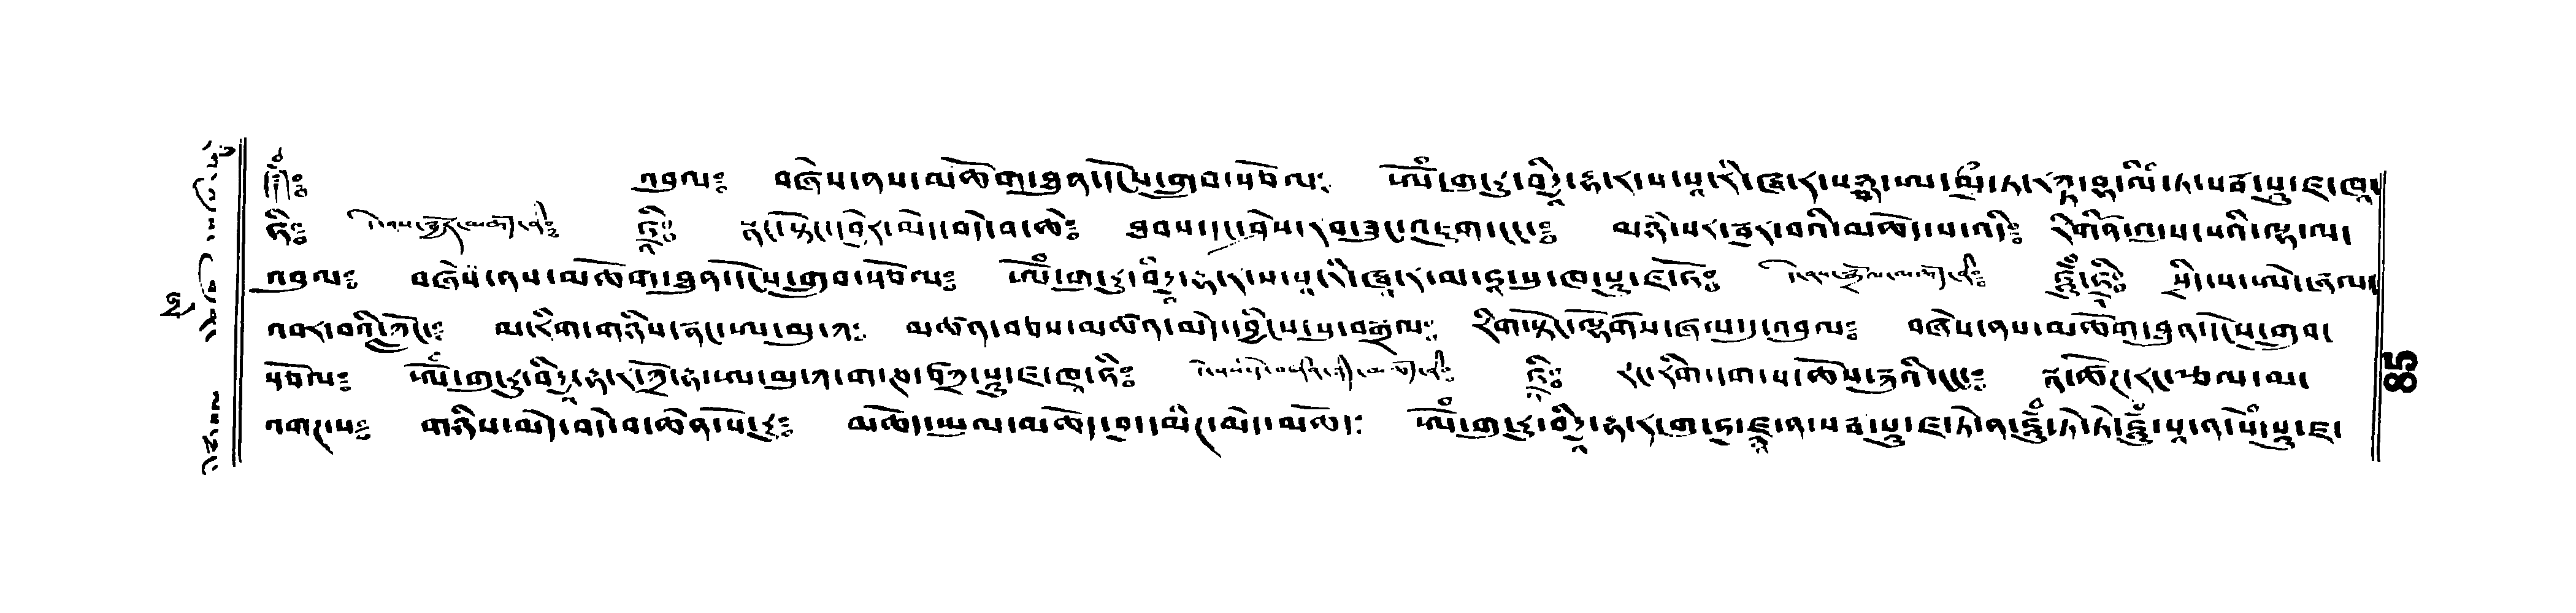འབུལ༔ བཞེས་ནས་མཆོག་ཐུན་དངོས་གྲུབ་སྩོལ༔ ཨོཾ་གུ་རུ་བིདྱཱ་དྷ་ར་ས་པཱ་རི་ཝ་ར་པཉྩ་ཨ་མྲྀ་ཏ་རཀྟ་བྷ་ལིཾ་ཏ་སརྦ་པཱུ་ཛ་ཁཱ་
ཧིཿ དེ་ནས་སྦྱོར་མཆོད་ནི༔ ཧྲཱིཿ སྣང་སྟོང་དབྱེར་མེད་བདེ་བ་ཆེ༔ ཐབས་དང་ཤེས་རབ་ཟུང་འཇུག་ངང༔ མཉམ་པར་སྦྱར་བའི་མཆོད་པ་འདི༔ རིག་འཛིན་འདུས་པའི་ལྷ་ལ་
འབུལ༔ བཞེས་ནས་མཆོག་ཐུན་དངོས་གྲུབ་སྩོལ༔ ཨོཾ་གུ་རུ་བིདྱཱ་དྷ་ར་ས་པཱ་རི་ཝ་ར་མ་ཧཱ་སུ་ཁ་པཱུ་ཛ་ཧོ༔ དེ་ནས་སྒྲོལ་མཆོད་ནི༔ ཧཱུྃ་ཧྲཱིཿ སྲིད་པ་ཨེ་ཞལ་
འབར་བའི་ཀློང༔ མ་རིག་གཉིས་སྣང་ཨ་མུ་ཀ༔ མཚན་བཅས་མཚན་མེད་དབྱིངས་སུ་བསྒྲལཿ རིག་སྟོང་ལྷ་ཚོགས་ཞལ་དུ་འབུལ༔ བཞེས་ནས་མཆོག་ཐུན་དངོས་གྲུབ་
སྩོལ༔ ཨོཾ་གུ་རུ་བིདྱཱ་དྷ་ར་ཀྲོ་དྷ་ཨ་མུ་ཀ་ག་ཎ་ཙཀྲ་པཱུ་ཛ་ཁཱ་ཧི༔ དེ་ནས་དེ་བཞིན་ཉིད་མཆོད་ནི༔ ཧྲཱིཿ རང་རིག་དག་པ་ཆོས་སྐུའི་ངང༔ སྣ་ཚོགས་རང་རྩལ་མ་
འགགས་པ༔ གཉིས་མེད་བདེ་བ་ཆེན་པོ་རུ༔མཆོད་ཡུལ་མཆོད་བྱ་དམིགས་མེད་མཆོད༔ ཨོཾ་གུ་རུ་བིདྱཱ་དྷ་ར་གུ་ཧྱ་ཛྙཱ་ན་སརྦ་པཱུ་ཛ་ཏེ་ན་ཧཱུྃ་ཏེ་ཏེ་ཏེ་ཧཱུྃ་པཱ་ན་པེཾ་པཱུ་ཛ་